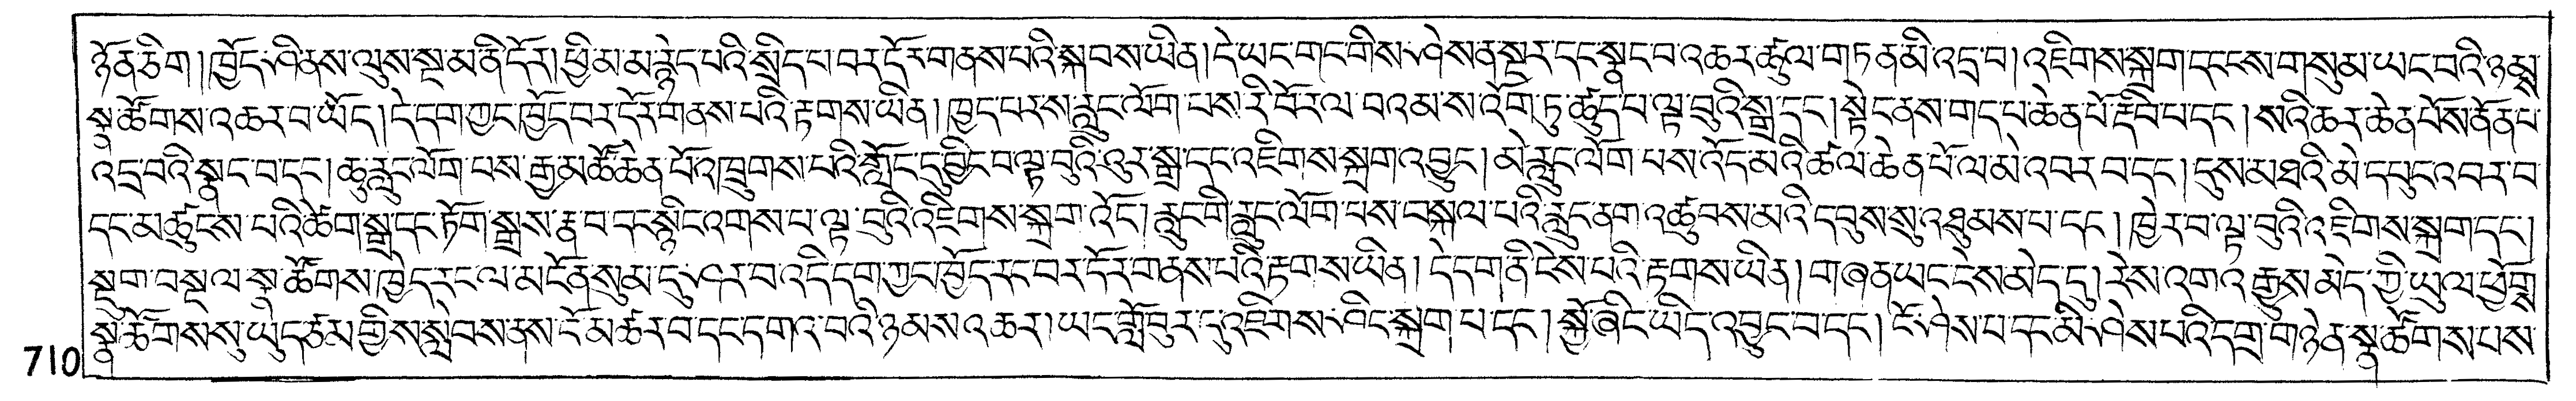ཉོན་ཅིག །ཁྱོད་ཤི་ནས་ལུས་སྔ་མ་ནི་དོར། ཕྱི་མ་མ་རྙེད་པའི་སྲིད་པ་བར་དོར་གནས་པའི་སྐབས་ཡིན། དེ་ཡང་གང་གིས་ཤེས་ན་སྔར་དང་སྣང་བ་འཆར་ཚུལ་གཏན་མི་འདྲ་བ། འཇིགས་སྐྲག་དངངས་གསུམ་ཡང་བའི་ཉམས་
སྣ་ཚོགས་འཆར་བ་ཡོད། དེ་དག་ཀྱང་ཁྱོད་བར་དོར་གནས་པའི་རྟགས་ཡིན། ཁྱད་པར་ས་རླུང་ལོག་པས་རི་བོ་རལ་བའམ་ས་འོག་ཏུ་ཚུད་པ་ལྟ་བུའི་སྒྲ་དང་། སྟེང་ནས་གད་པ་ཆེན་པོ་རྡིབ་པ་དང་། སའི་ཆར་ཆེན་པོས་ནོན་པ་
འདྲ་བའི་སྣང་བ་དང་། ཆུ་རླུང་ལོག་པས་རྒྱ་མཚོ་ཆེན་པོ་འཁྲུགས་པའི་གློང་དུ་བྱིང་བ་ལྟ་བུའི་འུར་སྒྲ་དང་འཇིགས་སྐྲག་འབྱུང་། མེ་རླུང་ལོག་པས་འོད་མའི་ཚལ་ཆེན་པོ་ལ་མེ་འབར་བ་དང་། དུས་མཐའི་མེ་དཔུང་འབར་བ་
དང་མཚུངས་པའི་ཚེག་སྒྲ་དང་ཏོག་སྒྲས་རྣ་བ་དང་སྙིང་འགས་པ་ལྟ་བུའི་འཇིགས་སྐྲག་འོང་། རླུང་གི་རླུང་ལོག་པས་བསྐལ་པའི་རླུང་ནག་འཚུབས་མའི་དབུས་སུ་འཐུམས་པ་དང་། ཁྱེར་བ་ལྟ་བུའི་འཇིགས་སྐྲག་དང་།
སྡུག་བསྔལ་སྣ་ཚོགས་ཁྱེད་རང་ལ་མངོན་སུམ་དུ་ཤར་བ་འདི་དག་ཀྱང་ཁྱོད་རང་བར་དོར་གནས་པའི་རྟགས་ཡིན། དེ་དག་ནི་ངེས་པའི་རྟགས་ཡིན། གཞན་ཡང་ངེས་མེད་དུ། རེས་འགའ་རྒྱུས་མེད་ཀྱི་ཡུལ་ཕྱོགས་
སྣ་ཚོགས་སུ་ཡུད་ཙམ་གྱིས་སླེབས་ནས་ངོ་མཚར་བ་དང་དགའ་བའི་ཉམས་འཆར། ཡང་གློ་བུར་དུ་འཇིགས་ཤིང་སྐྲག་པ་དང་། སྐྱོ་ཞིང་ཡིད་འབྱུང་བ་དང་། ངོ་ཤེས་པ་དང་མི་ཤེས་པའི་དགྲ་གཉེན་སྣ་ཚོགས་པས་